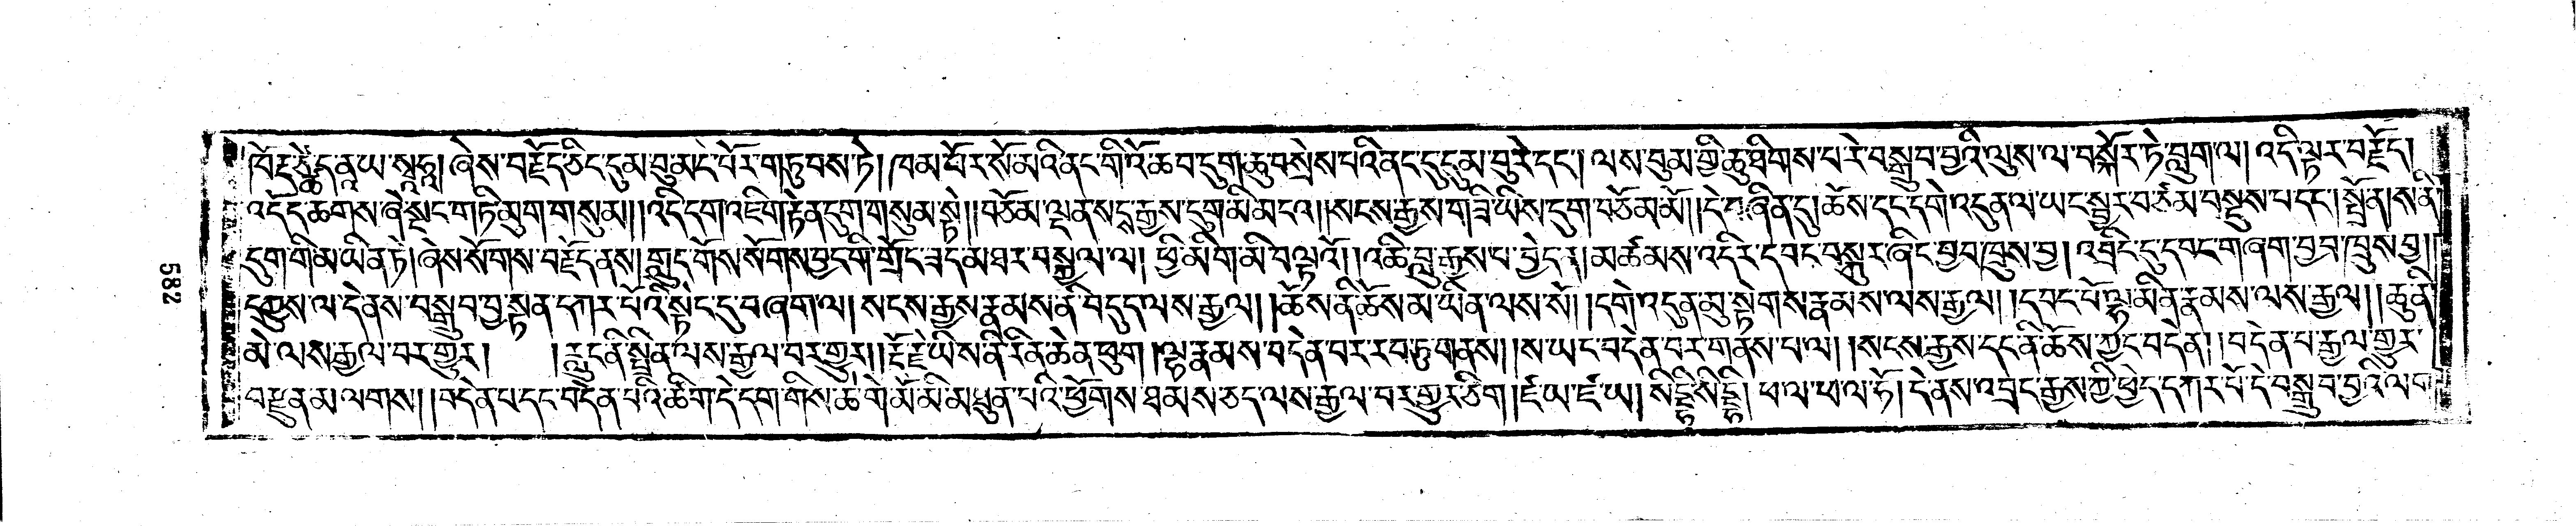འདི་ལྟར་བརྗོད།
འདོད་ཆགས་ཞེ་སྡང་གཉི་མུག་གསུམ། །འདི་དག་འཇིག་རྟེན་དུག་གསུམ་སྟེ། །བཅོམ་ལྡན་སངས་རྒྱས་དུག་མི་མངའ། །སངས་རྒྱས་གཟི་ཡིས་དུག་བཅོམ་མོ། །དེ་བཞིན་དུ། ཆོས་དང་དགེ་འདུན་ལ་ཡང་སྦྱར་བ་ཙམ་བསྡུས་པ་དང་། སྤྲོན། ས་ནི་
དུག་གི་མ་ཡིན་ཏེ། ཞེས་སོགས་བརྗོད་ནས། གླུད་གོས་སོགས་བྱང་གི་གྲོང་ཟད་མཐར་བསྐྱལ་ལ། ཕྱི་མིག་མི་བལྟའོ། །འཆི་བླུ་རྒྱས་པ་བྱེད་ན། མཚམས་འདིར་དབང་བསྐུར་ཞིང་བྱབ་ཁྲུས་བྱ། འབྲིང་དུ་དབང་གཞག་བྱབ་ཁྲུས་བྱ།
དཀྱུས་ལ་དེ་ནས་བསྒྲུབ་བྱ་སྟན་དཀར་པོའི་སྟེང་དུ་བཞག་ལ། སངས་རྒྱས་རྣམས་ནི་བདུད་ལས་རྒྱལ། །ཆོས་ནི་ཆོས་མ་ཡིན་ལས་སོ། །དགེ་འདུན་མུ་སྟེགས་རྣམས་ལས་རྒྱལ། །དབང་པོ་ལྷ་མིན་རྣམས་ལས་རྒྱལ། །ཆུ་ནི་
མེ་ལས་རྒྱལ་བར་གྱུར། །རླུང་ནི་སྤྲིན་ལས་རྒྱལ་བར་གྱུར། །རྡོ་རྗེ་ཡིས་ནི་རིན་ཆེན་ཕུག །ལྷ་རྣམས་བདེན་པས་རབ་ཏུ་གནས། ས་ཡང་བདེན་པར་གནས་པ་ལ། །སངས་རྒྱས་དང་ནི་ཆོས་ཀྱང་བདེན། །བདེན་པ་རྒྱལ་གྱུར་
བརྫེ་མ་ལགས། །བདེན་པ་དང་བདེན་པའི་ཚིག་དེ་དག་གིས་ཆེ་གེ་མོ་མི་མཐུན་པའི་ཕྱོགས་ཐམས་ཅད་ལས་རྒྱལ་བར་གྱུར་ཅིག །ཛ་ཡ་ཛ་ཡ། སིདྡྷི་སིདྡྷི། ཕ་ལ་ཕ་ལ་ཧོ། དེ་ནས་འབྲང་རྒྱས་ཀྱི་ཕྱེད་དཀར་པོ་དེ་བསྒྲུབ་བྱའི་ལག་